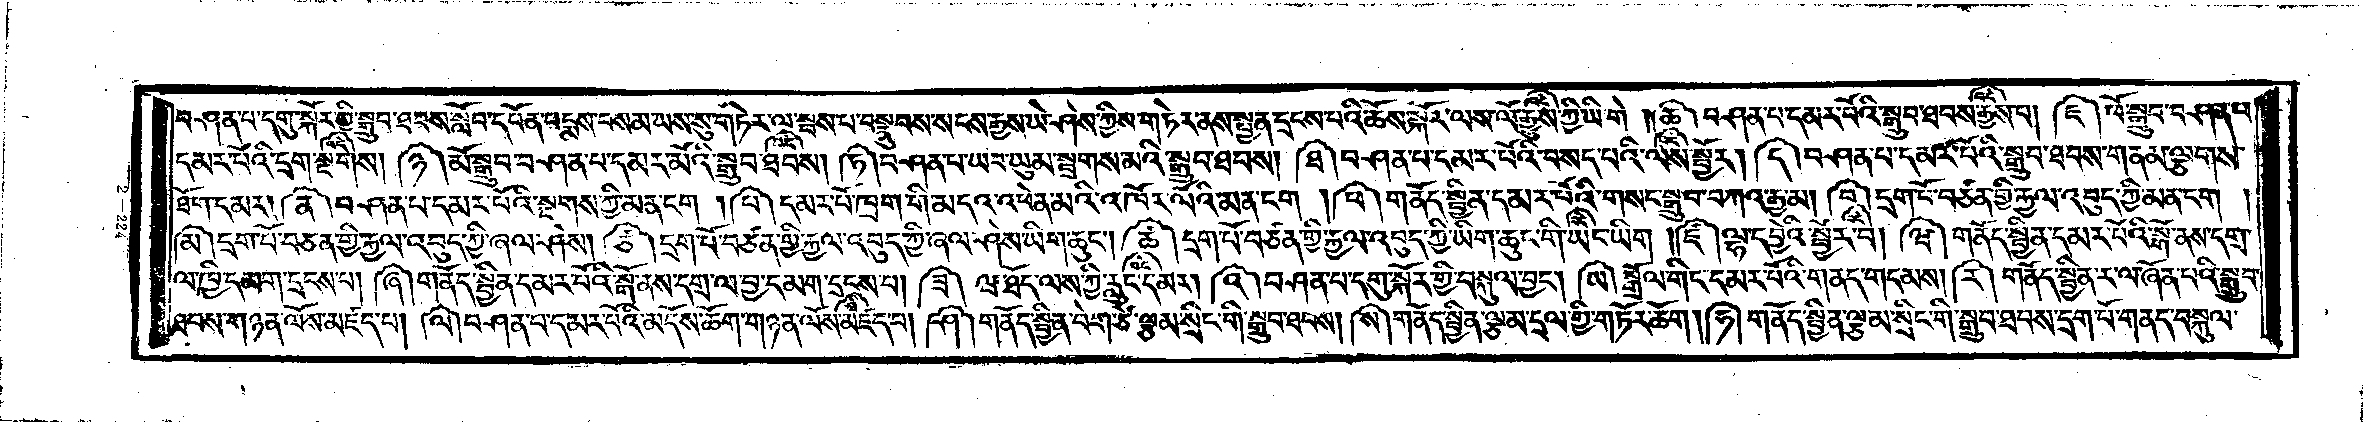བཤན་པ་དགུ་སྐོར་གྱི་སྒྲུབ་ཐབས་སློབ་དཔོན་པདམས་བསམ་ཡས་སུ་གཏེར་ལ་སྦས་པ་བསྣུབས་སངས་རྒྱས་ཡེ་ཤེས་ཀྱིས་གཏེར་ནས་སྤྱན་དྲངས་པའི་ཆོས་སྐོར་ལས་ལོ་རྒྱུས་ཀྱི་ཡི་གེ། །༼ཆ༽ བཤན་པ་དམར་པོའི་སྒྲུབ་ཐབས་རྒྱས་པ། ༼ཇ༽ ཕོ་སྒྲུབ་བཤན་པ་
དམར་པོའི་དྲག་སྔགས། ༼ཉ༽ མོ་སྒྲུབ་བཤན་པ་དམར་མོའི་སྒྲུབ་ཐབས། ༼ཏ༽ བཤན་པ་ཡབ་ཡུམ་སྦྲགས་མའི་སྒྲུབ་ཐབས། ༼ཐ༽ བཤན་པ་དམར་པོའི་བསད་པའི་ལས་སྦྱོར། ༼ད༽ བཤན་པ་དམར་པོའི་སྒྲུབ་ཐབས་གནམ་ལྕགས་
ཐོག་དམར། ༼ན༽ བཤན་པ་དམར་པོའི་སྔགས་ཀྱི་མན་ངག །༼པ༽ དམར་པོ་ཁྲག་གི་མདའ་འཕེན་མའི་འཁོར་ལོའི་མན་ངག །༼ཕ༽ གནོད་སྦྱིན་དམར་པོའི་གསང་སྒྲུབ་བཀའ་རྒྱ་མ། ༼བ༽ དྲག་པོ་བཙན་གྱི་རྒྱལ་འབུད་ཀྱི་མན་ངག།
༼མ༽ དྲག་པོ་བཅན་གྱི་རྒྱལ་འབུད་ཀྱི་ཞལ་ཤེས། ༼ཙ༽ དྲག་པོ་བཙན་གྱི་རྒྱལ་འབུད་ཀྱི་ཞལ་ཤེས་ཡིག་ཆུང་། ༼ཚ༽ དྲག་པོ་བཙན་གྱི་རྒྱལ་འབུད་ཀྱི་ཡིག་ཆུང་གི་ཡང་ཡིག །༼ཛ༽ ལྷ་དབྱེའི་སྦྱོར་བ། ༼ཝ༽ གནོད་སྦྱིན་དམར་པོའི་སྒོ་ནས་དགྲ་
ལ་ཁྱི་དམག་དྲངས་པ། ༼ཞ༽ གནོད་སྦྱིན་དམར་པོའི་སྒོ་ནས་དགྲ་ལ་བྱ་དམག་དྲངས་པ། ༼ཟ༽ ཝ་ཐོད་ལས་ཀྱི་རླུང་དམར། ༼འ༽ བཤན་པ་དགུ་སྐོར་གྱི་བསྐུལ་བྱང་། ༼ཡ༽ སྒྲོལ་གིང་དམར་པོའི་གནད་གདམས། ༼ར༽ གནོད་སྦྱིན་ར་ལ་ཞོན་པའི་སྒྲུབ་
ཐབས་གཉན་ལོས་མཛད་པ། ༼ལ༽ བཤན་པ་དམར་པོའི་མདོས་ཆོག་གཉན་ལོས་མཛད་པ། ༼ཤ༽ གནོད་སྦྱིན་བེག་རྩེ་ལྕམ་སྲིང་གི་སྒྲུབ་ཐབས། ༼ས༽ གནོད་སྦྱིན་ལྕམ་དྲལ་གྱི་གཏོར་ཆོག། ༼ཧ༽ གནོད་སྦྱིན་ལྕམ་སྲིང་གི་སྒྲུབ་ཐབས་དྲག་པོ་གནད་བསྐུལ་